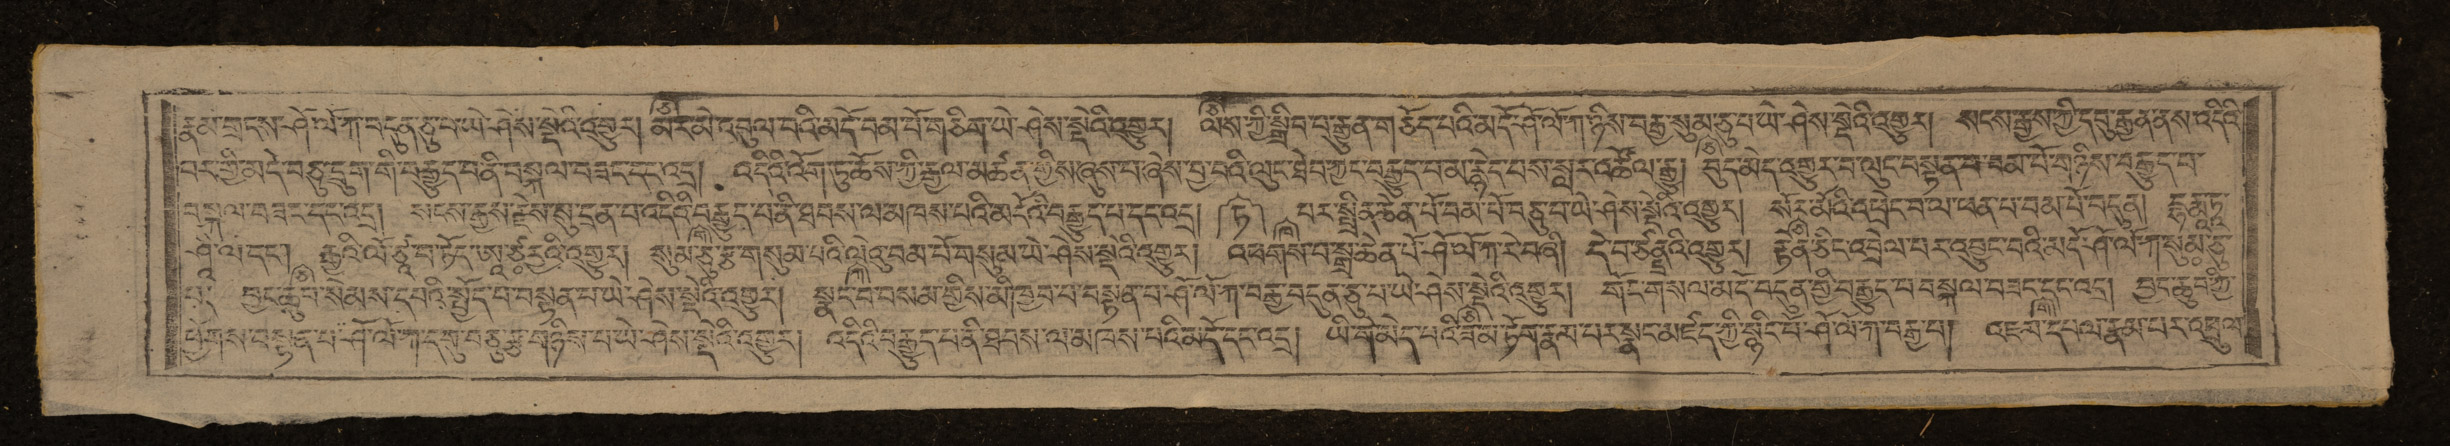རྣམ་གྲངས་ཤོ་ལོ་ཀ་བདུན་ཅུ་པ་ཡེ་ཤེས་སྡེའི་འགྱུར། མར་མེ་འབུལ་བའི་མདོ་བམ་པོ་གཅིག་ཡེ་ཤེས་སྡེའི་འགྱུར། ལས་ཀྱི་སྒྲིབ་པ་རྒྱུན་གཅོད་པའི་མདོ་ཤོ་ལོ་ཀ་ཉིས་བརྒྱ་སུམ་ཅུ་པ་ཡེ་ཤེས་སྡེའི་འགྱུར། སངས་རྒྱས་ཀྱི་དབུ་རྒྱན་ནས་འདིའི་
བར་གྱི་མེད་བཅུ་དྲུག་གི་བརྒྱུད་པ་ནི་བསྐལ་བཟང་དང་འདྲ། འདིའི་འོག་ཏུ་ཆོས་ཀྱི་རྒྱལ་མཚན་གྱིས་ཞུས་པ་ཞེས་བྱ་བའི་ལུང་ཐེབ་ཀྱང་བརྒྱུད་པ་མ་རྙེད་པས་སླར་འཚོལ་རྒྱུ། བུད་མེད་འགྱུར་བ་ལུང་བསྟན་པ་བམ་པོ་གཉིས་བརྒྱུད་པ་
བསྐལ་བཟང་དང་འདྲ། སངས་རྒྱས་རྗེས་སུ་དྲན་པ་འདིའི་བརྒྱུད་པ་ནི་ཐབས་ལ་མཁས་པའི་མདོའི་བརྒྱུད་པ་དང་འདྲ། {ཏ}་བར་སྤྲིན་ཆེན་པོ་བམ་པོ་བཅུ་པ་ཡེ་ཤེས་སྡེའི་འགྱུར། སོར་མོའི་འཕྲེང་བ་ལ་ཕན་པ་བམ་པོ་བདུན། དྷརྨཱ་ཏཱ་
ཤཱི་ལ་དང་། རྒྱའི་ལོ་ཙཱ་བ་ཏོང་ཨཱ་ཙརྱའི་འགྱུར། སུམ་ཅུ་རྩ་གསུམ་པའི་ལེའུ་བམ་པོ་གསུམ་ཡེ་ཤེས་སྡེའི་འགྱུར། འཕགས་པ་སྒྲ་ཆེན་པོ་ཤོ་ལོ་ཀ་རེ་བཞི། དེ་བ་ཙནྡྲའི་འགྱུར། རྟེན་ཅིང་འབྲེལ་བར་འབྱུང་བའི་མོད་ཤོ་ལོ་ཀ་སུམ་ཅུ་
པ༑ བྱང་ཆུབ་སེམས་དཔའི་སྤྱོད་པ་བསྟན་པ་ཡེ་ཤེས་སྡེའི་འགྱུར། སྣང་བ་བསམ་གྱིས་མི་ཁྱབ་པ་བསྟན་པ་ཤོ་ལོ་ཀ་བརྒྱ་བདུན་ཅུ་པ་ཡེ་ཤེས་སྡེའི་འགྱུར། གོང་གསལ་མདོ་བདུན་གྱི་བརྒྱུད་པ་བསྐལ་བཟང་དང་འདྲ། བྱང་ཆུབ་ཀྱི་
ཕྱོགས་བསྟན་པ་ཤོ་ལོ་ཀ་དགུ་བཅུ་རྩ་གཉིས་པ་ཡེ་ཤེས་སྡེའི་འགྱུར། འདིའི་བརྒྱུད་པ་ནི་ཐབས་ལ་མཁས་པའི་མདོ་དང་འདྲ། ཡི་གེ་མེད་པའི་ཟ་མ་ཏོག་རྣམ་པར་སྣང་མཛད་ཀྱི་སྙིང་པོ་ཤོ་ལོ་ཀ་བརྒྱ་པ། འཇམ་དཔལ་རྣམ་པར་འཕྲུལ་